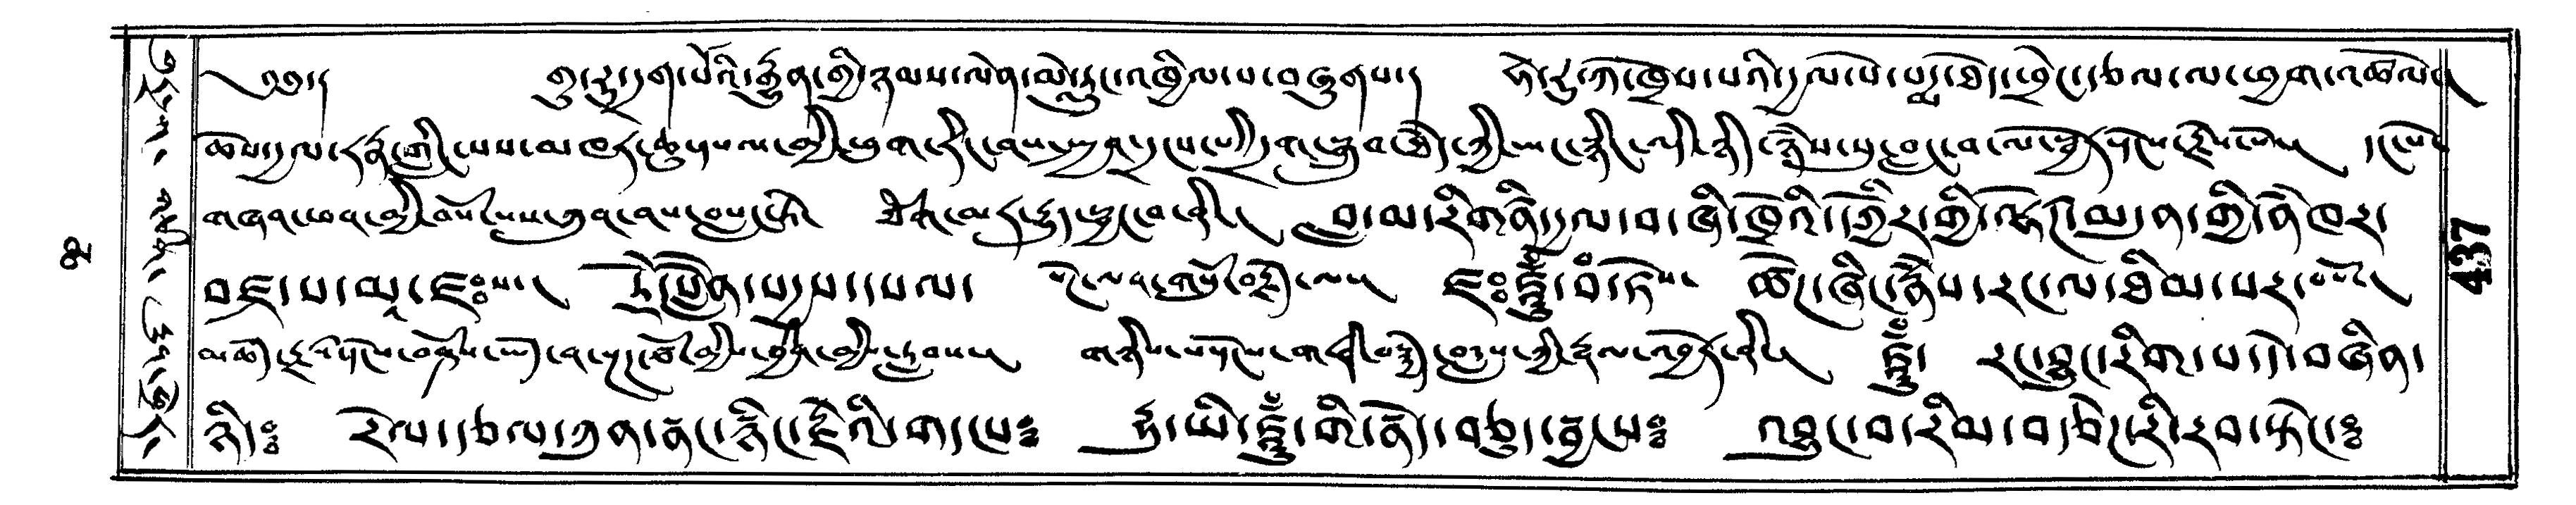༄༅། གུ་རུ་དྲག་པོའི་རྒྱུན་གྱི་ཉམས་ལེན་མེ་རླུང་འཁྱིལ་པ་བཞུགས། ཧེ་རུ་ཀ་ཁྲོས་པའི་རྒྱལ་པོ་པདྨ་ཐོད་ཕྲེང་རྩལ་ལ་ཕྱག་འཚལ་ལོ། 
ཆོས་རྒྱལ་རཏྣ་གླིང་པས་མཁར་ཆུ་དཔལ་གྱི་ཕུག་རིང་ནས་སྤྱན་དྲངས་པའི་དྲག་སྒྲུབ་ཐམས་ཅད་ཀྱི་ཡང་སྙིང་འདི་ཉིད་ཉམས་སུ་བླང་བ་ལ་སྦྱོར་དངོས་རྗེས་སོ། དང་པོ་
གཞན་ཕན་གྱི་བསམ་པས་ཀུན་ནས་བསླངས་ཏེ། ཐོག་མར་རྒྱུད་སྦྱང་བ་ནི། བླ་མ་རིག་འཛིན་རྒྱལ་བ་ཞི་ཁྲོའི་དཀྱིལ་འཁོར་གྱི་ལྷ་ཚོགས་མདུན་གྱི་ནམ་མཁར་
བཛྲ་ས་མཱ་ཛཿ ས། རྡོ་རྗེ་སློབ་དཔོན་སངས་རྒྱས་དཔལ༔ སོགས་ལན་གསུམ་བརྗོད་ལ། ཛཿཧཱུྃ་བྃ་ཧོཿ ས། ཚོགས་ཞིང་རྣམས་རང་ལ་ཐིམ་པར་བསམ། 
མཆོད་རྫས་དངོས་བཤམས་ཡོད་ན་སྔགས་ཙམ་གྱིས་བྱིན་གྱིས་བརླབ། གཉིས་པ་དངོས་གཞི་བསྐྱེད་བཟླས་ཀྱི་རྣལ་འབྱོར་ནི། ཧཱུྃ༔ རང་བྱུང་རིག་པ་དེ་བཞིན་
ཉིད༔ རོལ་རྩལ་ཀུན་སྣང་སྙིང་རྗེའི་གདངས༔ རྒྱུ་ཡི་ཧཱུྃ་གིས་སྣོད་བཅུད་སྦྱངས༔ འབྱུང་བ་རིམ་བརྩེགས་རི་རབ་སྟེང༔